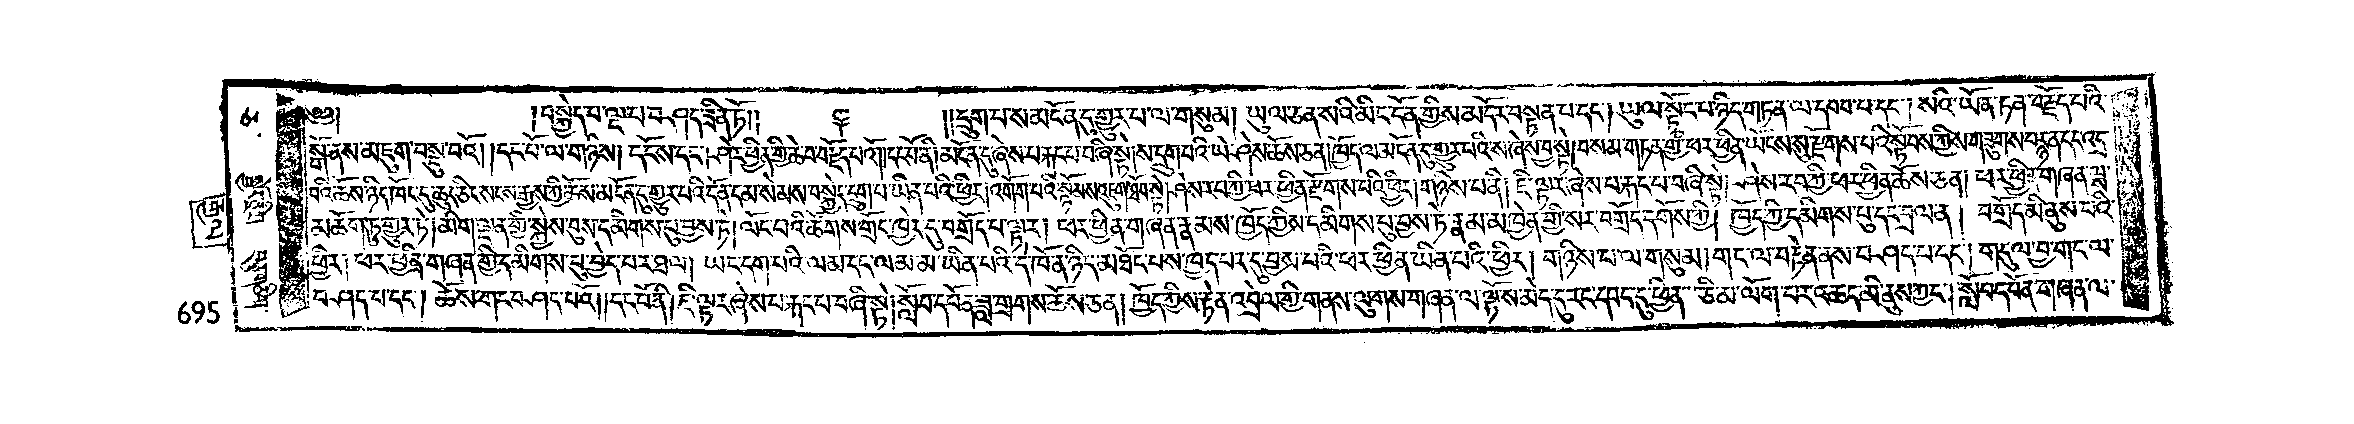༄༅། །བསྐྱེད་པ་ལྔ་པ་བཤད་ཟིན་ཏོ།། ༈ །།དྲུག་པ་ས་མངོན་དུ་གྱུར་པ་ལ་གསུམ། ཡུལ་ཅན་སའི་མིང་དོན་གྱིས་མདོར་བསྟན་པ་དང་། ཡུལ་སྟོང་པ་ཉིད་གཏན་ལ་དབབ་པ་དང་། སའི་ཡོན་ཏན་བརྗོད་པའི་
སྒོ་ནས་མཇུག་བསྡུ་བའོ། །དང་པོ་ལ་གཉིས། དངོས་དང་། ཤེར་ཕྱིན་གྱི་ཆེ་བ་བརྗོད་པའོ། །དང་པོ་ནི། མངོན་དུ་ཞེས་པ་རྐང་པ་བཞི་སྟེ། ས་དྲུག་པའི་ཡེ་ཤེས་ཆོས་ཅན། ཁྱོད་ལ་མངོན་དུ་གྱུར་པའི་ས་ཞེས་བྱ་སྟེ། བསམ་གཏན་གྱི་ཕར་ཕྱིན་ཡོངས་སུ་རྫོགས་པའི་སྟོབས་ཀྱིས་གཟུགས་བརྙན་དང་འདྲ་
བའི་ཆོས་ཉིད་ཁོང་དུ་ཆུད་ཅིང་སངས་རྒྱས་ཀྱི་ཆོས་མངོན་དུ་གྱུར་པའི་དོན་དམ་སེམས་བསྐྱེད་དྲུག་པ་ཡིན་པའི་ཕྱིར། འགོག་པའི་སྙོམས་འཇུག་ཐོབ་སྟེ། ཤེས་རབ་ཀྱི་ཕར་ཕྱིན་རྫོགས་པའི་ཕྱིར། གཉིས་པ་ནི། ཇི་ལྟར་ཞེས་པ་རྐང་པ་བཞི་སྟེ། ཤེས་རབ་ཀྱི་ཕར་ཕྱིན་ཆོས་ཅན། ཕར་ཕྱིན་གཞན་ལས་
མཆོག་ཏུ་གྱུར་ཏེ། མིག་ལྡན་གྱི་སྐྱེས་བུས་དམིགས་པུ་བྱས་ཏེ། ལོང་བའི་ཚོགས་གྲོང་ཁྱེར་དུ་བགྲོད་པ་ལྟར། ཕར་ཕྱིན་གཞན་རྣམས་ཁྱོད་ཀྱིས་དམིགས་པུ་བྱས་ཏེ་རྣམ་མཁྱེན་གྱི་སར་བགྲོད་དགོས་ཀྱི། ཁྱོད་ཀྱི་དམིགས་པུ་དང་བྲལ་ན། བགྲོད་མི་ནུས་པའི་
ཕྱིར། ཕར་ཕྱིན་གཞན་གྱི་དམིགས་པུ་བྱེད་པར་ཐལ། ཡང་དག་པའི་ལམ་དང་ལམ་མ་ཡིན་པའི་དེ་ཁོ་ན་ཉིད་མཐོང་པས་ཁྱད་པར་དུ་བྱས་པའི་ཕར་ཕྱིན་ཡིན་པའི་ཕྱིར། གཉིས་པ་ལ་གསུམ། གང་ལ་བརྟེན་ནས་བཤད་པ་དང་། གདུལ་བྱ་གང་ལ་
བཤད་པ་དང་། ཆོས་གང་བཤད་པའོ། །དང་པོ་ནི། ཇི་ལྟར་ཞེས་པ་རྐང་པ་བཞི་སྟེ། སློབ་དཔོན་ཟླ་གྲགས་ཆོས་ཅན། ཁྱོད་ཀྱིས་རྟེན་འབྲེལ་གྱི་གནས་ལུགས་གཞན་ལ་ལྟོ་ས་མེད་དུ་རང་དབང་དུ་ཕྱིན་ཅི་མ་ལོག་པར་འཆད་མི་ནུས་ཀྱང་། སློབ་དཔོན་གཞན་ལ་